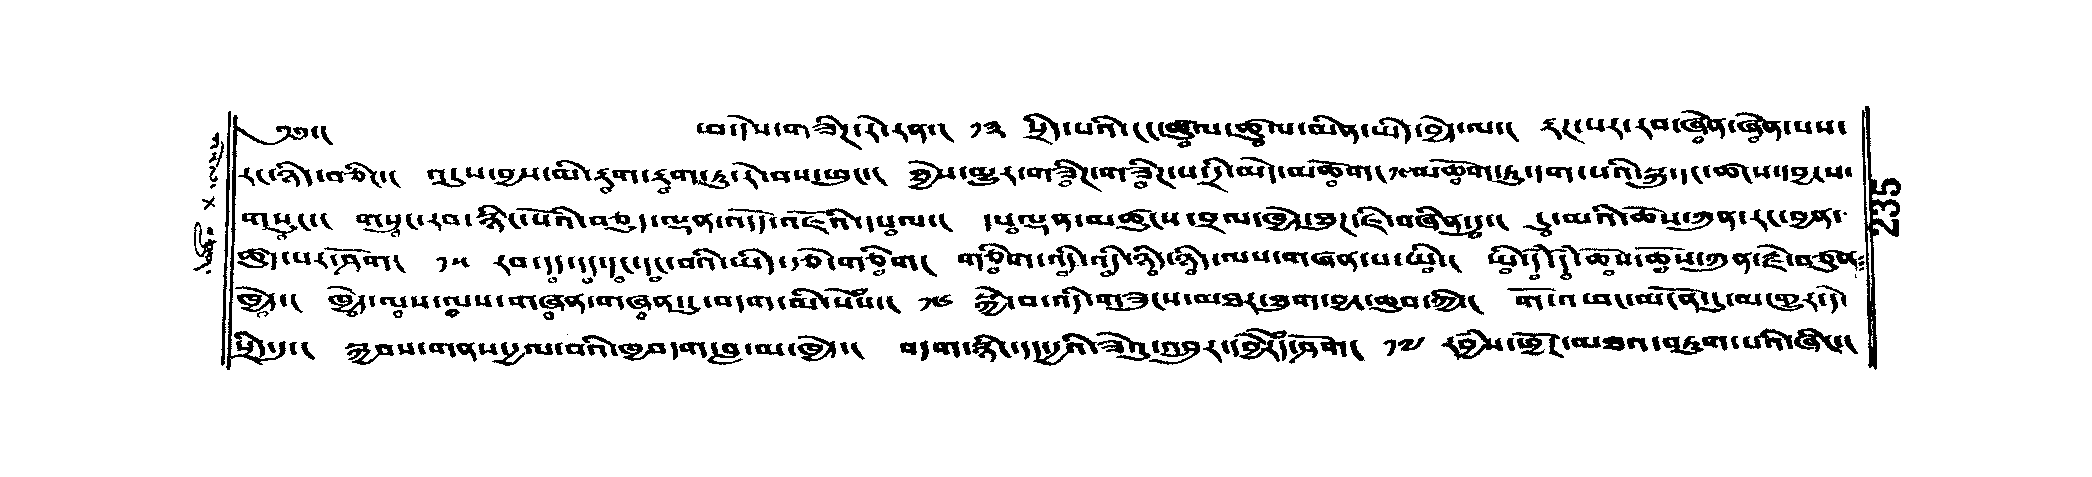ཕ་དེས་གཟིགས་རེ་རན། ༡༣ སྲིད་པའི་ངང་ཚུལ་ཚུལ་མིན་ཡིད་བྱེད་ལ། །རྟག་པར་རབ་ཞེན་ཞེན་པས་
རང་ཉིད་བཅིངས། །འདུས་བྱས་མི་རྟག་རྟག་ཏུ་རེ་བས་ཕུང་། །ཐུགས་རྗེས་མྱུར་གཟིགས་གཟིགས་པ་དྲི་མེད་མཆོག ༡༤ །མཆོག་ཏུ་དག་པའི་སྐུ་དང་ཚངས་དབྱངས་
གསུང་། །གསུང་རབ་སྙིང་པོའི་བཅུད་ལྡན་འདོད་འཇོའི་དཔལ། །དཔལ་ལྡན་མཚུངས་བྲལ་ཁྱེད་ཐུགས་ཇི་བཞིན་དུ། །དུ་མའི་ཆོས་ཀུན་རང་བྱན་
ཚུད་པར་ཤོག ༡༥ །རབ་དད་དད་དང་དང་བའི་ཡིད་རྩེ་གཅིག །གཅིག་འདི་འདི་ཉིད་ཉིད་ལས་གཞན་པ་ཡི། །ཡི་དམ་དམ་ཆོས་ཆོས་ཀུན་རྗེ་བཙུན་
ཁྱེད། །ཁྱེད་ལས་ལས་གཞན་གཞན་དུ་བདག་མི་སེམས། ༡༦ །སྐྱེ་བ་འདི་བཟུང་མཐར་ཐུག་བྱང་ཆུབ་ཀྱི། །གོ་འཕང་མངོན་དུ་མ་གྱུར་དེ་
སྲིད་དུ། །སྐྱབས་གནས་རྒྱལ་བའི་ཁྱབ་བདག་བླ་མ་ཁྱེད། །བདག་སྙིང་དད་རྒྱའི་ཟེའུ་འབྲུར་དབྱེར་མེད་ཤོག ༡༧ །རབ་འབྱམས་ཕྱོགས་མཐའ་བཏུགས་པའི་ཞིང་།